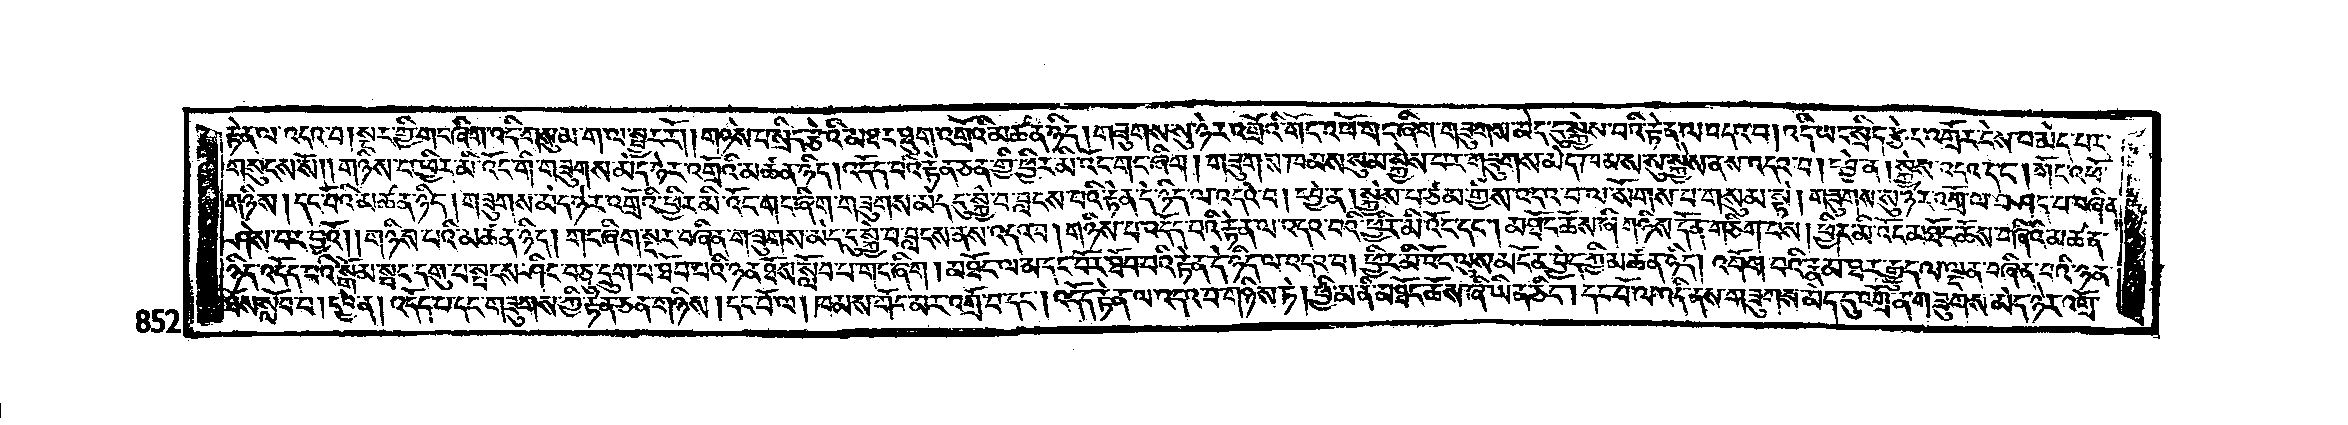རྟེན་ལ་འདའ་བ། སྔར་གྱི་གང་ཞིག་འདི་གསུམ་ག་ལ་སྦྱར་རོ། །གཉིས་པ་སྲིད་རྩེའི་མཐར་ཐུག་འགྲོའི་མཚན་ཉིད། གཟུགས་སུ་ཉེར་འགྲོའི་གོང་འཕོ་གང་ཞིག་གཟུགས་མེད་དུ་སྐྱེས་པའི་རྟེན་ལ་འདའ་བ། འདི་ཡང་སྲིད་རྩེར་འགྲོར་ངེས་པ་མེད་པར་
གསུངས་སོ། །གཉིས་པ་ཕྱིར་མི་འོང་གི་གཟུགས་མེད་ཉེར་འགྲོའི་མཚན་ཉིད། འདོད་པའི་རྟེན་ཅན་གྱི་ཕྱིར་མི་འོང་གང་ཞིག །གཟུགས་ཁམས་སུ་མ་སྐྱེས་པར་གཟུགས་མེད་ཁམས་སུ་སྐྱེས་ནས་འདའ་བ། དབྱེ་ན། སྐྱེས་འདའ་དང་། གོང་འཕོ་
གཉིས། དང་པོའི་མཚན་ཉིད། གཟུགས་མེད་ཉེར་འགྲོའི་ཕྱིར་མི་འོང་གང་ཞིག་གཟུགས་མེད་དུ་སྐྱེ་བ་བླངས་པའི་རྟེན་དེ་ཉིད་ལ་འདའ་བ། དབྱེ་ན། སྐྱེས་པ་ཙམ་གྱིས་འདའ་བ་ལ་སོགས་པ་གསུམ་སྟེ། གཟུགས་སུ་ཉེར་འགྲོ་ལ་བཤད་པ་བཞིན་
ཤེས་པར་བྱའོ། །གཉིས་པའི་མཚན་ཉིད། གང་ཞིག་སྔར་བཞིན་གཟུགས་མེད་དུ་སྐྱེ་བ་བླངས་ནས་འདའ་བ། གཉིས་པ་འདོད་པའི་རྟེན་ལ་འདའ་བའི་ཕྱིར་མི་འོང་དང་། མཐོང་ཆོས་ཞི་གཉིས་དོན་གཅིག་པས། ཕྱིར་མི་འོང་མཐོང་ཆོས་བཞིའི་ཞིའི་མཚན་
ཉིད་འདོད་པའི་སྒོམ་སྤང་དགུ་པ་སྤངས་ཤིང་བཅུ་དྲུག་པ་ཐོབ་པའི་ཉན་ཐོས་སློབ་པ་གང་ཞིག །མཐོང་ལམ་དང་པོར་ཐོབ་པའི་རྟེན་དེ་ཉིད་ལ་འདའ་བ། ཕྱིར་མི་འོང་ལུས་མངོན་བྱེད་ཀྱི་མཚན་ཉིད། འགོག་པའི་རྣམ་ཐར་རྒྱུད་ལ་ལྡན་བཞིན་པའི་ཉན་
ཐོས་སློབ་པ། དབྱེ་ན། འདོད་པ་དང་གཟུགས་ཀྱི་རྟེན་ཅན་གཉིས། དང་པོ་ལ། ཁམས་གོང་མར་འགྲོ་བ་དང་། འདོད་རྟེན་ལ་འདའ་བ་གཉིས་ཏེ། ཕྱི་མ་ནི་མཐོང་ཆོས་ཞི་ཡིན་ཅིང་། དང་པོ་ལ་འདི་ནས་གཟུགས་མེད་དུ་འགྲོ་ན་གཟུགས་མེད་ཉེར་འགྲོ་